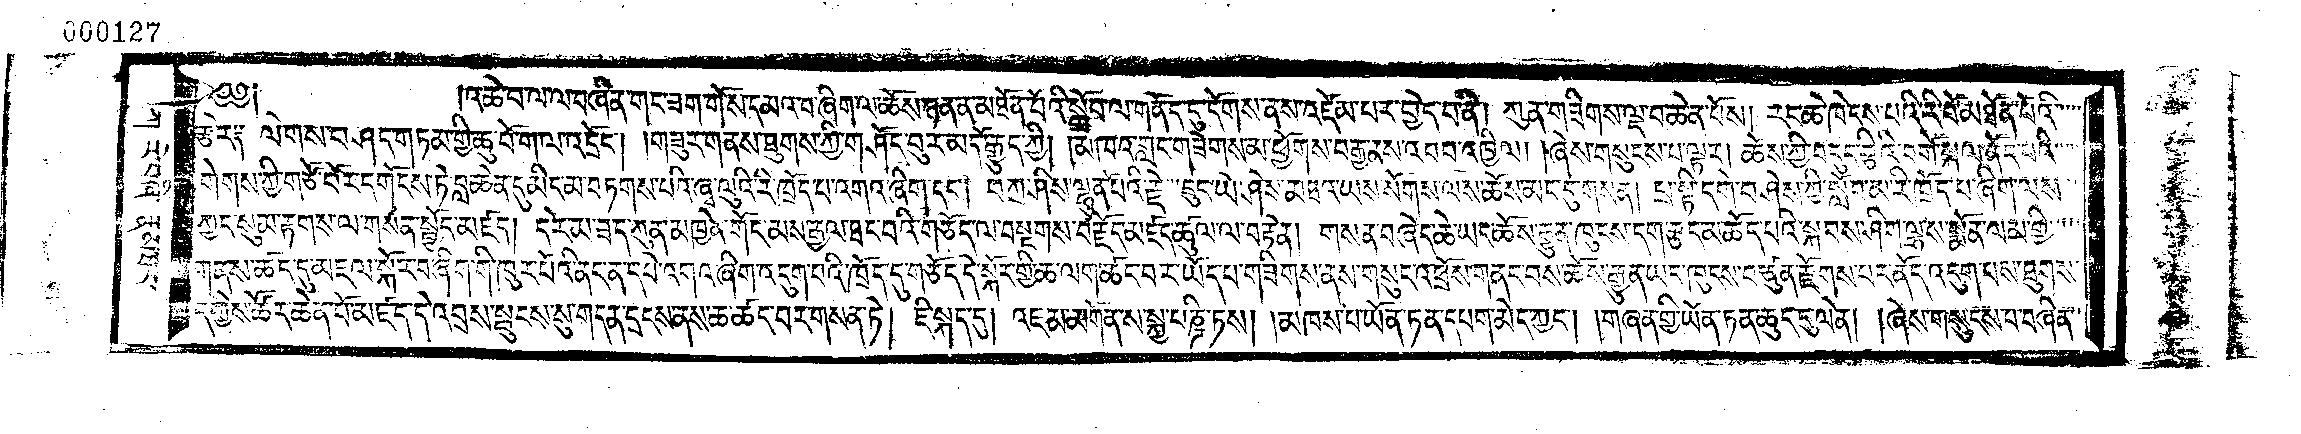༄༅། །འཆེ་བ་ལ་ལ་བཞིན་གང་ཟག་གོ་ས་དམའ་བ་ཞིག་ལ་ཆོས་ཉན་ན་མཐོན་པའི་སྒྲོབ་ལ་གནོད་དུ་དོགས་ནས་འཛེམ་པར་བྱེད་པ་ནི། ཀུན་གཟིགས་ལྔ་པ་ཆེན་པོས། རང་ཆེ་ཁེངས་པའི་རི་བོ་མཐོན་པོའི་
རྩེར༑ ལེགས་བཤད་གཏམ་གྱི་ཆུ་བོ་ག་ལ་འདྲོང་། །གཟུར་གནས་ཐུགས་ཀྱི་གཤོང་བུར་མདོ་རྒྱུད་ཀྱི། །མཁའ་གླང་གཟིགས་མ་ཕྱོགས་བརྒྱ་ནས་འབབ་འཁྱིལ། །ཞེས་གསུངས་པ་ལྟར། ཆོས་ཀྱི་བདུད་རྩིའི་བགོ་སྐལ་ནོད་པའི་
གེགས་ཀྱི་གཙོ་བོར་དགོངས་ཏེ་བླ་ཆེན་དུ་མིང་མ་བཏགས་པའི་ཞྭ་ལུའི་རི་ཁྲོད་པ་འགའ་ཞིག་དང་། བཀྲ་ཤིས་ལྷུན་པོའི་རྗེ་དྲུང་ཡེ་ཤེས་མཐའ་ཡས་སོགས་ལས་ཆོས་མང་དུ་གསན། པྲ་སྟི་དགེ་བཤེས་ཀྱི་སློབ་མ་རི་ཁྲོད་པ་ཞིག་ལས་
ཀྱང་སུམ་རྟགས་ལ་གསན་སྦྱོང་མཛད། དེར་མ་ཟད་ཀུན་མཁྱེན་གོང་མས་རྒྱལ་ཐང་བའི་གཅོད་ལ་བསྔགས་བརྗོད་མཛད་ཚུལ་ལ་བརྟེན། གསན་བཞེད་ཆེ་ཡང་ཆོས་རྒྱུན་ཁུངས་དག་རྩད་མཆོད་པའི་སྐབས་ཤིག་ལྷ་ས་སྨོན་ལམ་གྱི་
གནས་ཚང་དུ་མཇལ་སྐོར་བ་ཞིག་གི་ཁུར་པོའི་ནང་ན་དཔེ་འགའ་ཞིག་འདུག་པའི་ཁྲོད་དུ་གཅོད་དེ་སྐོར་གྱི་ཆ་ལག་ཚང་བར་ཡོད་པ་གཟིགས་ནས་གསུང་འཕྲོས་གནང་བས་ཆོས་རྒྱུན་ཡང་ཁུངས་བཙུན་རྫོགས་པར་ནོད་འདུག་པས་ཐུགས་
དགྱེས་ཚོར་ཆེན་པོ་མཛད་དེ་འབྲས་སྤུངས་སུ་གདན་དྲངས་ནས་ཆ་ཚང་བར་གསན་ཏེ། ཇི་སྐད་དུ། འཇམ་མགོན་ས་སྐྱ་པཎྜི་ཏས། །མཁས་པ་ཡོན་ཏན་དཔག་མེད་ཀྱང་། །གཞན་གྱི་ཡོན་ཏན་ཆུང་དུ་ལེན། །ཞེས་གསུངས་པ་བཞིན་